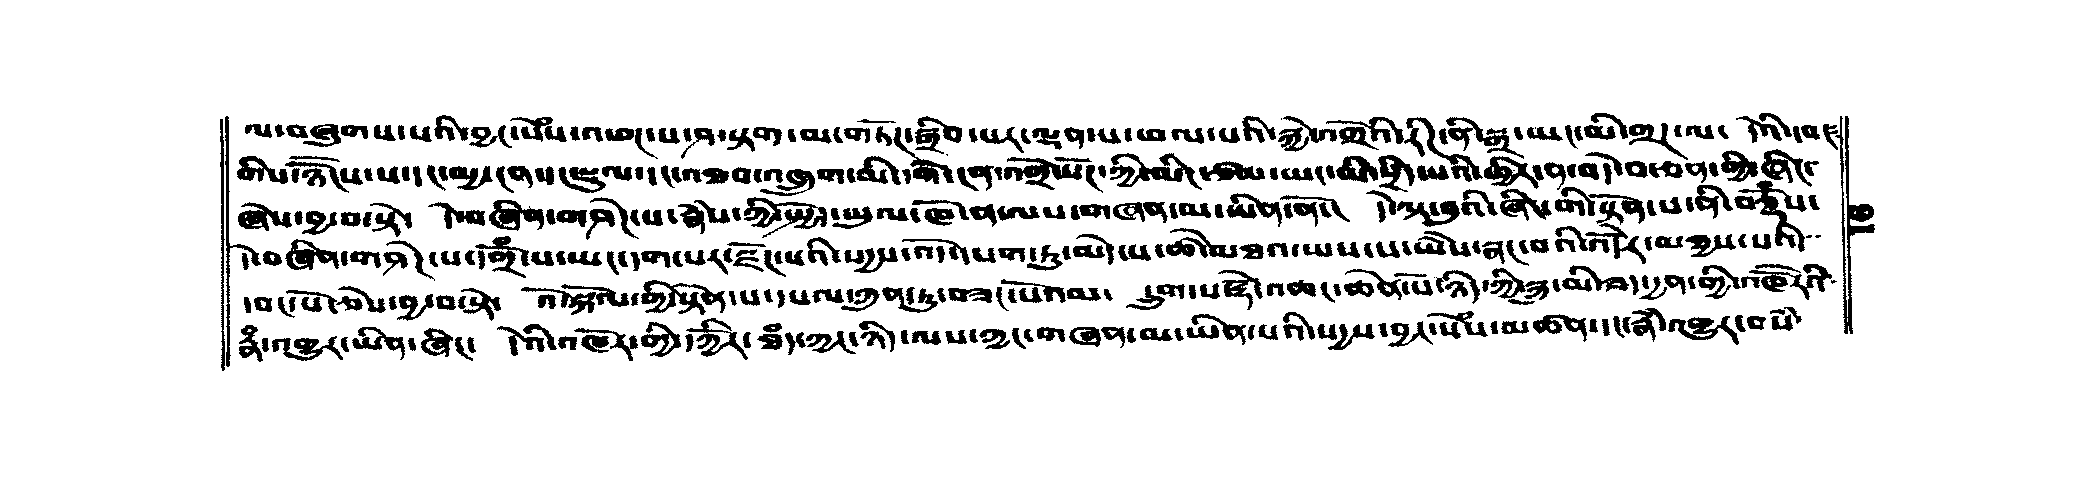ལ་བཞུགས་པའི་བྱང་སེམས་འཕགས་པ་ཤ་སྟག་མ་གཏོགས་སྒྲིབ་པར་ལྡན་པ་ཕལ་པའི་སྐྱེ་འགྲོའི་རིགས་ནི་སྒྲ་ཡང་མི་གྲགས་ལ། དེའི་བདང་
གིས་ཉོན་མོངས་པ་དང་མྱ་ངན་དང་སྡུག་བསྔལ་དང་འཐབ་འཁྲུག་མི་དགེ་ངན་འགྲོ་སོགས་ཀྱི་མིང་ཙམ་ཡང་མི་སྲིད་པའི་ཕྱིར་ན་བདེ་བ་ཅན་གྱི་ཞིང་
ཞེས་བྱ་བ་སྟེ། དེ་བཞིན་གཤེགས་པ་རྣམས་ཀྱི་སྤྱོད་ཡུལ་ཁོ་ན་ལས་གཞན་མ་ཡིན་ནོ། དེ་ལྟ་བུའི་ཞིང་གི་སྟོན་པ་ནི་བཅོམ་ལྡན་འདས་
དེ་བཞིན་གཤེགས་པ་དགྲ་བཅོམ་པ་ཡང་དག་པར་རྫོགས་པའི་སངས་རྒྱས་འོད་དཔག་ཏུ་མེད་པ་ཚེ་མཐའ་ཡས་པ་ཡེ་ཤེས་སྣང་བའི་འོད་ཟེར་མཐུ་རྒྱས་པའི་
དབང་པོ་ཅེས་བྱ་བ་སྟེ། འོ་སྐོལ་གྱི་སྟོན་པ་དཔལ་ཀུན་ཏུ་བཟང་པོའམ། དྲུག་པ་རྡོ་རྗེ་འཆང་ཆེན་པོ་ཉིད་ཀྱི་སྐུ་མི་ཟད་རྒྱན་གྱི་འཁོར་ལོའི་
རྣམ་འགྱུར་ཡིན་ཞིང་། དེའི་འཁོར་གྱི་དཀྱིལ་འཁོར་ཐམས་ཅད་ཀྱང་ཉིད་ལས་ཀྱང་གཞན་མ་ཡིན་པའི་སངས་རྒྱས་བྱང་སེམས་མཚན་དང་རྣམ་འགྱུར་བསམ་